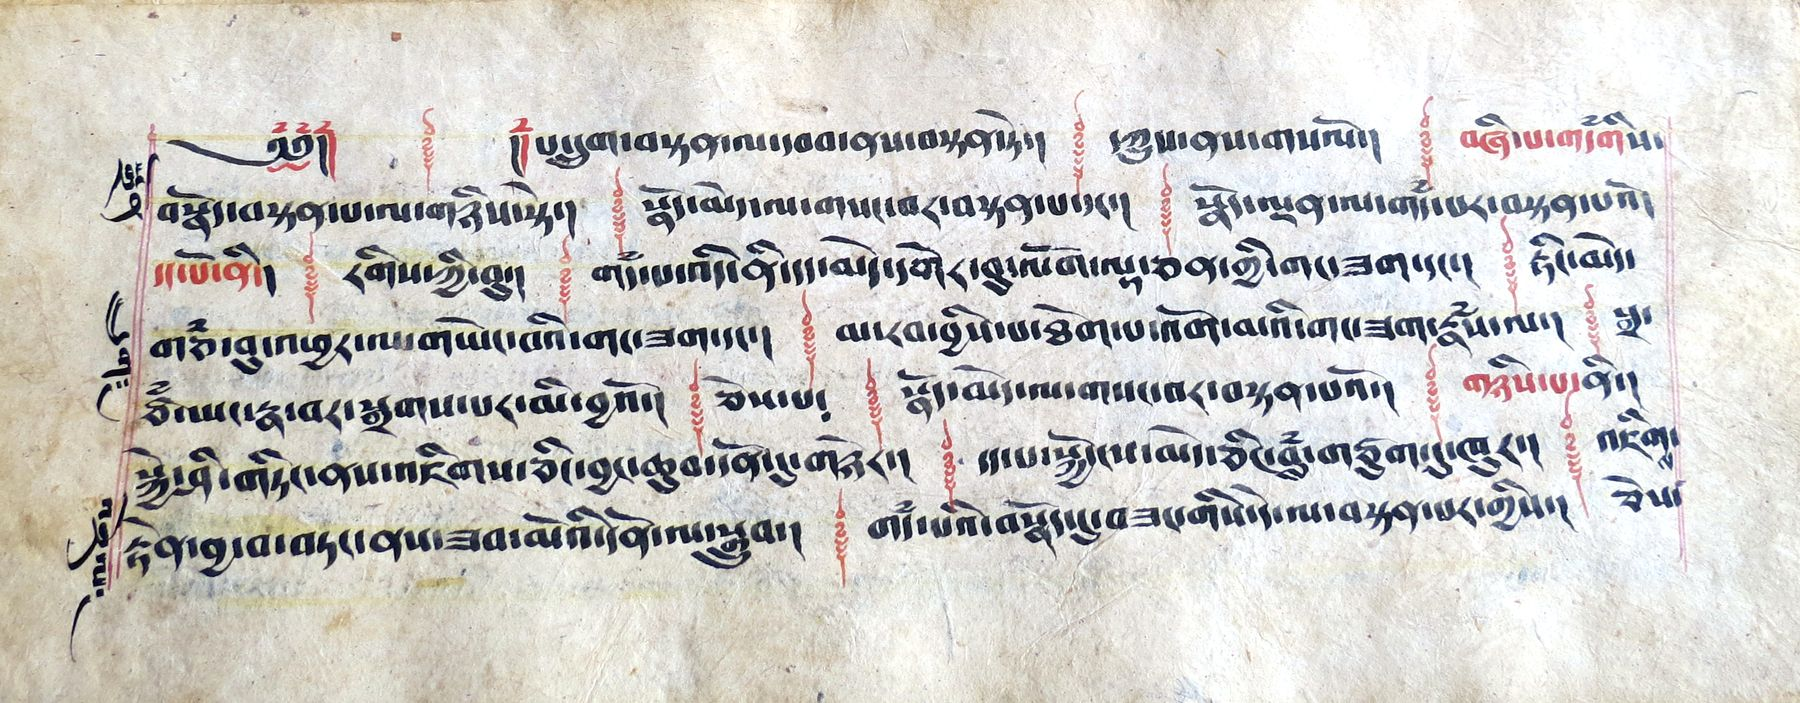པ་དྲུག་གཏན་ལ་ཕབ་ནས་སྟོན་ཏེ། དཀྱུས་ན་གསལ་ལོ། །བཞི་བ་གདམས་ངག་གི་
སྣོད་བསྟན་པ་ལ་གཉིས་ཏེ། སྣོད་མེད་ལ་གསང་བར་བསྟན་པ་དང། སྣོད་ལྡན་ལ་གདམས་པར་བསྟན་པའོ། །
དང་པོ་ནི་རིགས་ཀྱི་བུ། གདམས་པ་འདི་ནི་དད་མེད་སྒེར་བུ་ལོག་ལྟ་ཅན་གྱི་གང་ཟག་དང་། གདེང་མེད་
གཅམ་བུ་འཕྱར་ལ་གཡེང་བའི་གང་ཟག་དང་། མ་རབས་བྱིས་པ་ཐེག་པ་འོག་མའི་གང་ཟག་རྣམས་ལ། སྒྲ་
ཙམ་ཡང་རྣ་བར་བསྒྲག་པར་མི་བྱའོ། །ཞེས་པས་སྣོད་མེད་ལ་གསང་པར་བསྟན་པའོ། །གཉིས་པ་ནི། 
སྐྱེ་ཤི་གཏིང་ནས་འཇིགས་ཤིང་བྱང་ཆུབ་དོན་དུ་གཉེར། དད་པ་སྐྱོ་ངལ་མེད་ཅིང་བླ་མ་གཙུག་ཏུ་ཁུར། འཇིག་
རྟེན་བྱ་བ་བཏང་ནས་ཟབ་མོའི་དོན་ལ་སྒྲུབ། གདམས་པའི་སྣོད་དུ་བཟང་གི་དེ་ལ་བསྟན་པར་གྱིས། །ཞེས་